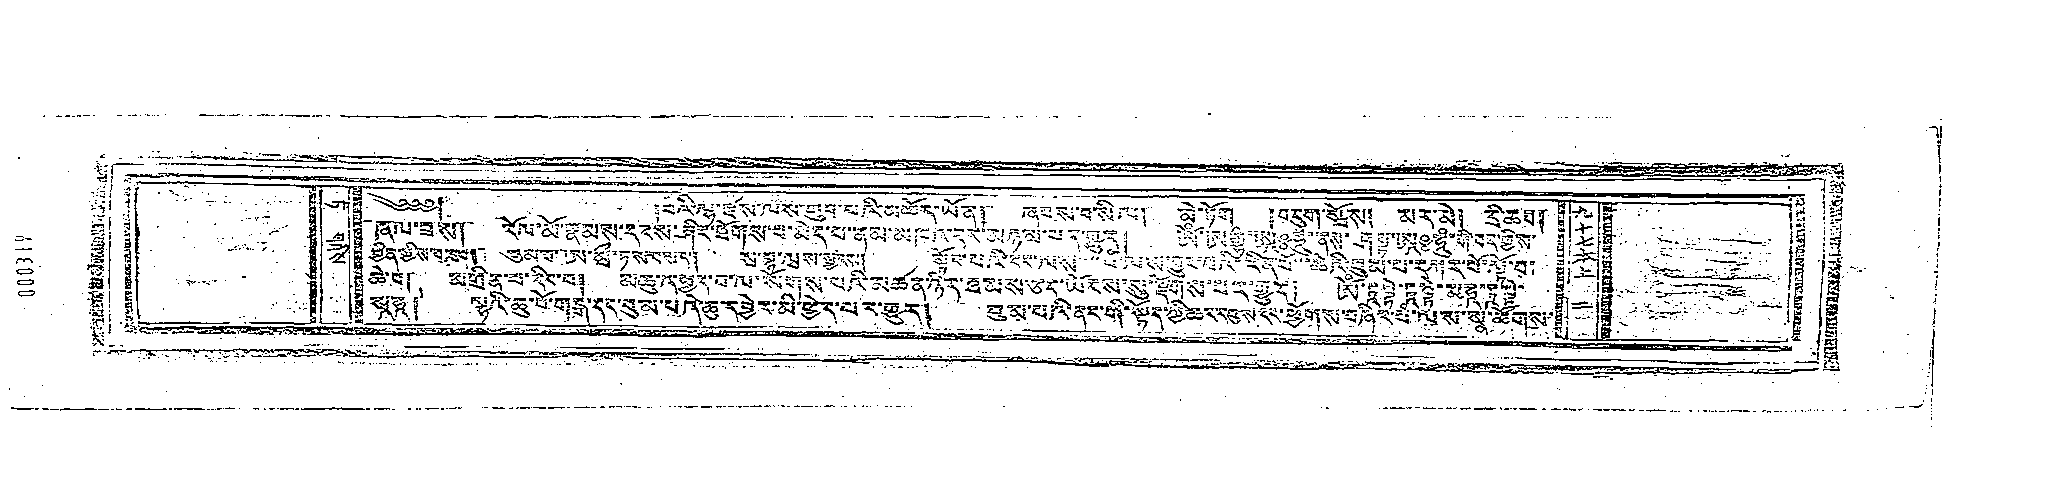༄༅༅། །བའི་ལྷ་རྫས་ལས་གྲུབ་པའི་མཆོད་ཡོན། ཞབས་བསིལ། མེ་ཏོག །བདུག་སྦོས། མར་མེ། དྲི་ཆབ།
ཞལ་ཟས། རོལ་མོ་རྣམས་དྭངས་ཤིང་ཐོགས་པ་མེད་པ་ནམ་མཁའ་དང་མཉམ་པར་གྱུར། ཨོཾ་ཨརྒྷཾ་ཨཱཿ ཧཱུཾ་ནས་ཤཔྟ་ཨཱཿ ཧཱུཾ་གི་བར་གྱིས་
བྱིན་གྱིས་བརླབ། བུམ་པ་ཨ་མྲྀ་ཏས་བསང་། སྭ་བྷ་ཝས་སྦྱངས། སྟོང་པའི་དང་ལས་བཾ་ལས་བྱུང་བའི་རིན་པོ་ཆེའི་བུམ་པ་དཀར་པོ་ལྟོ་བ་
ཆེ་བ། མགྲིན་པ་རིང་བ། མཆུ་འཕྱང་བ་ལ་སོགས་པའི་མཚན་ཉིད་ཐམས་ཅད་ཡོངས་སུ་རྫོགས་པར་གྱུར། ཨོཾ་ཏཱཔྟེ་ཏཱཔྟེ་མ་ཧཱ་ཏཱ་པྟེ་
སྭཱཧཱ། ལྷའི་ཆུ་བོ་གངྒ་དང་བུམ་པའི་ཆུ་དབྱེར་མི་ཕྱེར་པར་གྱུར། བུམ་པའི་ནང་གི་སྟོང་ཀྱི་ཆར་དབུས་དད་ཕྱོགས་བཞིར་བཾ་ལས་སྣ་ཚོགས་